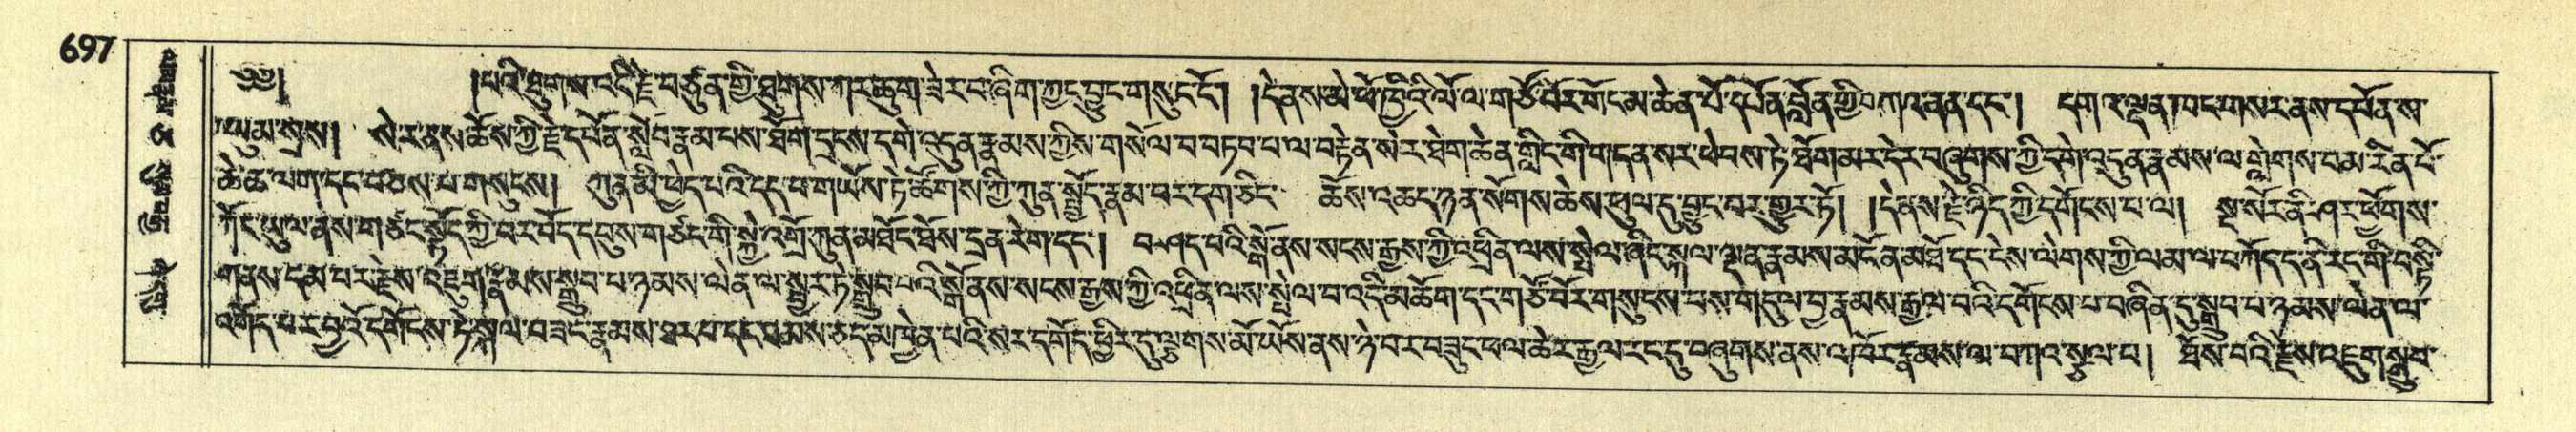༄༅། །པའི་ཐུགས་འདི་རྗེ་བཙུན་གྱི་ཐུགས་ཀར་ཆུག་ཟེར་བ་ཞིག་ཀྱང་བྱུང་གསུང་ངོ། །དེ་ནས་མེ་ཕོ་ཁྱིའི་ལོ་ལ་གཙོ་བོར་གོང་མ་ཆེན་པོ་དཔོན་བློན་གྱི་བཀའ་ནན་དང་། དགའ་ལྡན་ཁང་གསར་ནས་དཔོན་ས་
ཡུམ་སྲས། སེ་ར་ནས་ཆོས་ཀྱི་རྗེ་དཔོན་སློབ་རྣམ་པས་ཐོག་དྲངས་དགེ་འདུན་རྣམས་ཀྱིས་གསོལ་བ་བཏབ་པ་ལ་བརྟེན་སེར་ཐེག་ཆེན་གླིང་གི་གདན་སར་ཕེབས་ཏེ་ཐོག་མར་དེར་བཞུགས་ཀྱི་དགེ་འདུན་རྣམས་ལ་གླེགས་བམ་རིན་པོ་
ཆེ་ཆ་ལག་དང་བཅས་པ་གསུངས། ཀུན་མི་ཕྱེད་པའི་དད་པ་གཡོས་ཏེ་ཚོགས་ཀྱི་ཀུན་སྤྱོད་རྣམ་པར་དག་ཅིང་ཆོས་འཆད་ཉན་སོགས་ཆེས་ཕུལ་དུ་བྱུང་བར་གྱུར་ཏོ། །དེ་ནས་རྗེ་ཉིད་ཀྱི་དགོངས་པ་ལ། སྔ་སོར་ནི་ཤར་ཕྱོགས་
ཀོང་ཡུལ་ནས་གཙང་སྟོད་ཀྱི་བར་བོད་དབུས་གཙང་གི་སྐྱེ་འགྲོ་ཀུན་མཐོང་ཐོས་དྲན་རེག་དང་། བཤད་པའི་སྒོ་ནས་སངས་རྒྱས་ཀྱི་འཕྲིན་ལས་སྤེལ་ཞིང་སྐལ་ལྡན་རྣམས་མངོན་མཐོ་དང་ངེས་ལེགས་ཀྱི་ལམ་ལ་བཀོད་ད་ནི་རང་གི་བསྟི་
གནས་དམ་པར་རྗེས་འཇུག་རྣམས་སྒྲུབ་པ་ཉམས་ལེན་ལ་སྦྱར་ཏེ་སྒྲུབ་པའི་སྒོ་ནས་སངས་རྒྱས་ཀྱི་འཕྲིན་ལས་སྤེལ་བ་འདི་མཆོག་དང་གཙོ་བོར་གསུངས་པས་གདུལ་བྱ་རྣམས་རྒྱལ་བའི་དགོངས་པ་བཞིན་དུ་སྒྲུབ་པ་ཉམས་ལེན་ལ་
འགོད་པར་བྱའོ་དགོངས་ཏེ་སྐལ་བཟང་རྣམས་ཐར་པ་དང་ཐམས་ཅད་མཁྱེན་པའི་སར་དགོད་ཕྱིར་དུ་ལྕགས་མོ་ཡོས་ནས་ཉེ་བར་བཟུང་ཕལ་ཆེར་རྒྱལ་རང་དུ་བཞུགས་ནས་འཁོར་རྣམས་ལ་བཀའ་སྩལ་པ། ཐོས་བའི་རྗེས་འཇུག་སྒྲུབ་